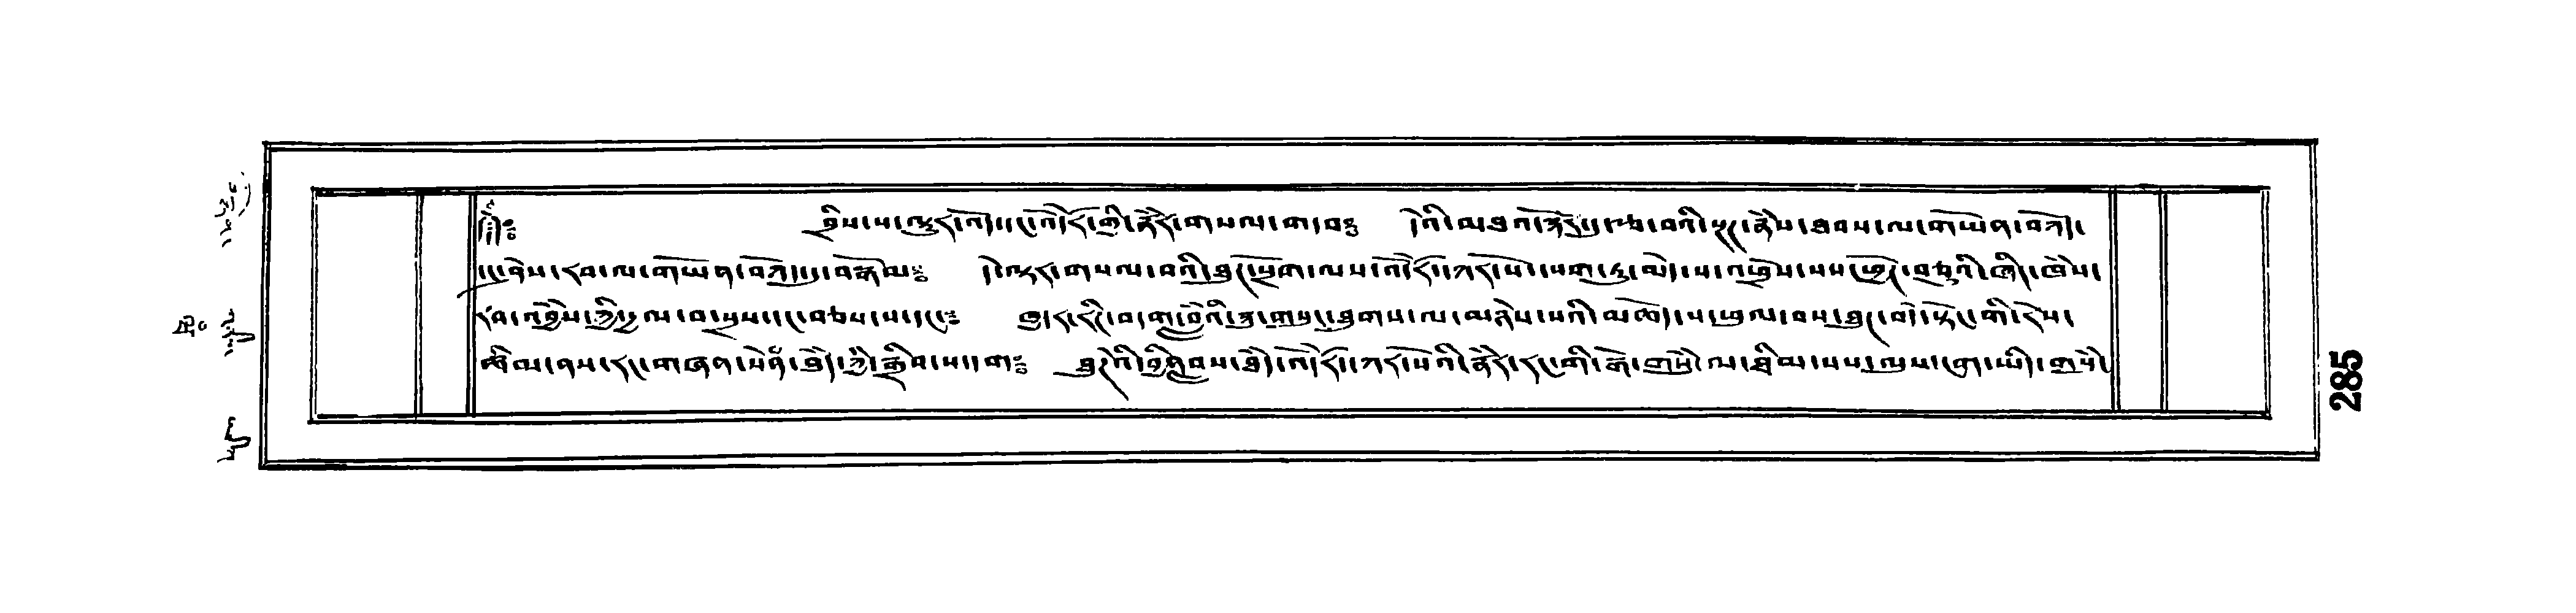བྲིས་པ་ལྟ་བུར་འོད་དང་འོད་ཟེར་གྱི་རྣམ་པར་གསལ་གདབ༔ དེའི་མཐའ་སྐོར་དུ་རྩ་བའི་སྔགས་རྣམས་ཐབས་ལ་གཡོན་བཀོད་
དང་ཤེས་རབ་ལ་གཡས་བཀོད་དུ་བསྒོམ༔ དེ་ལྟར་གསལ་བའི་ཐུགས་སྲོག་ལས་འོད་ཟེར་དཀར་པོ་དཔག་ཏུ་མེད་པ་འཕྲོས་པས་ཕྱོགས་བཅུའི་ཞིང་ཁམས་
རབ་འབྱམས་ཀྱི་རྒྱལ་བ་སྲས་དང་བཅས་པ་དང༔ ཁྱད་པར་རིགས་བདག་བླ་མའི་སྐུ་གསུང་ཐུགས་ལ་མཉེས་པའི་མཆོད་པ་ཕུལ་བས་ཐུགས་བདེ་སྟོང་གི་རོས་
ཚིམ་ནས་རང་གཞན་སེམས་ཅན་ཐམས་ཅད་ཀྱི་སྒྲིབ་པ་དག༔ ཐུགས་རྗེའི་བྱིན་རླབས་ཐམས་ཅད་འོད་ཟེར་དཀར་པོའི་རྣམ་པར་རང་གི་སྒོ་གསུམ་ལ་ཐིམ་པས་ལུས་ངག་ཡིད་གསུམ་